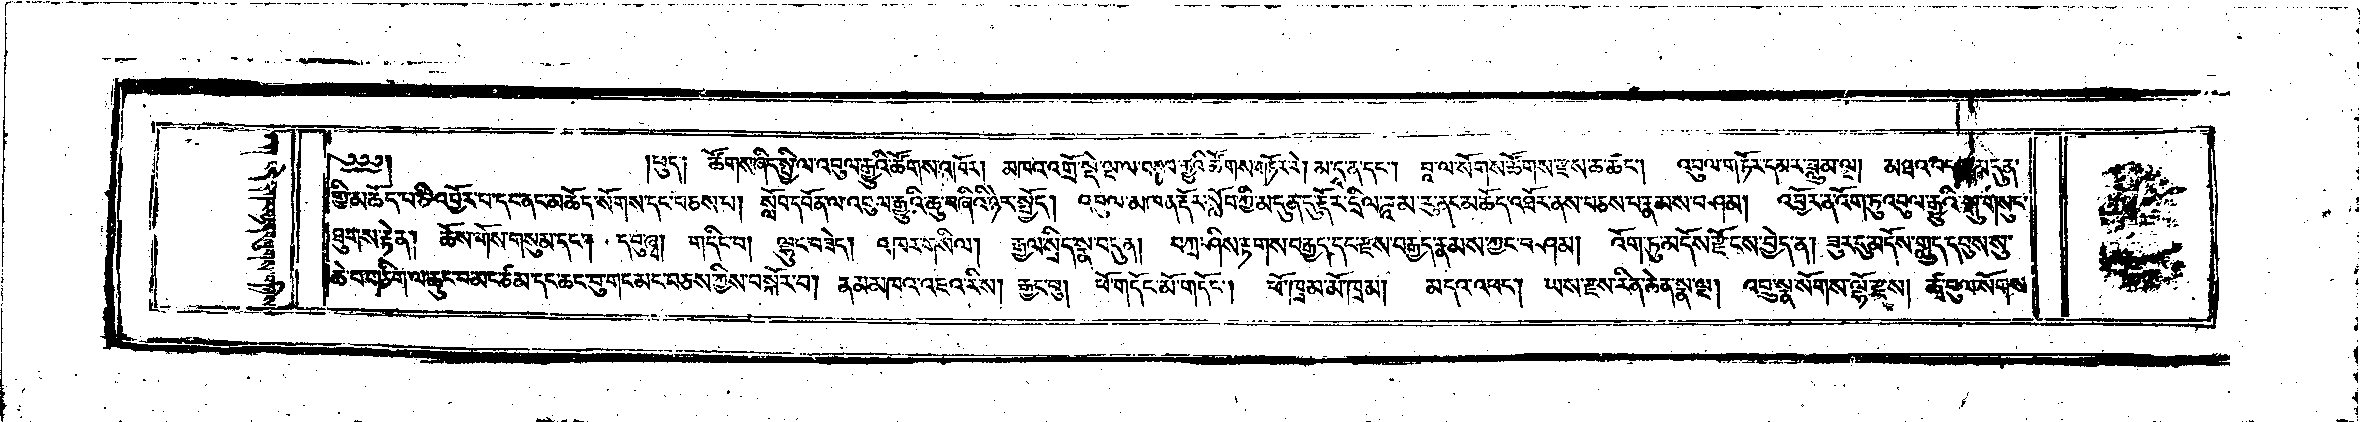༄༅༅། །པུད༑ ཚོགས་ཞིང་སྤྱི་ལ་འབུལ་རྒྱུའི་ཚོགས་འཁོར། མཁའ་འགྲོ་སྡེ་ལྔ་ལ་བསྟབ་རྒྱུའི་ཚོགས་གཏོར་རེ། མ་དཱ་ན་དང་། བཱ་ལ་སོགས་ཚོགས་རྫས་ཆ་ཚང་། འབུལ་གཏོར་དམར་ཟླུམ་ལྔ། མཐའ་བདག་མདུན་
གྱི་མཆོད་པ་ཅི་འབྱོར་པ་དང་ནང་མཆོད་སོགས་དང་བཅས་པ། སློབ་དཔོན་ལ་འབུལ་རྒྱུའི་ཆུ་བཞིའི་ཉེར་སྤྱོད། འབུལ་མཁན་རྡོར་སློབ་ཀྱི་མདུན་དུ་རྡོར་དྲིལ་ཌཱ་མ་རུ་ནང་མཆོད་འཐོར་ནས་བཅས་པ་རྣམས་བཤམ། འབྱོར་ན་འོག་ཏུ་འབུལ་རྒྱུའི་སྐུ་གསུང་
ཐུགས་རྟེན། ཆོས་གོས་གསུམ་དང་། དབུ་ཞྭ། གདིང་བ། ལྷུང་བཟེད། འཁར་གསིལ། རྒྱལ་སྲིད་སྣ་བདུན། བཀྲ་ཤིས་རྟགས་བརྒྱད་དང་རྫས་བརྒྱད་རྣམས་ཀྱང་བཤམ། འོག་ཏུ་མདོས་རྫོངས་བྱེད་ན། ཟུར་དུ་མདོས་གླུད་དབུས་སུ་
ཆེ་བ་གཅིག་ལ་ཆུང་བ་མང་ཙམ་དང་ཆང་བུ་གང་མང་བཅས་ཀྱིས་བསྐོར་བ། ནམ་མཁའ་འཇའ་རིས། རྒྱང་བུ། ཕོ་གདོང་མོ་གདོང་། ཕོ་ཁྲམ་མོ་ཁྲམ། མདའ་འཕང་། ཡས་རྫས་རིན་ཆེན་སྣ་ལྔ། འབྲུ་སྣ་སོགས་ལྷོ་རྫས། ཚྭ་བུལ་སོགས་